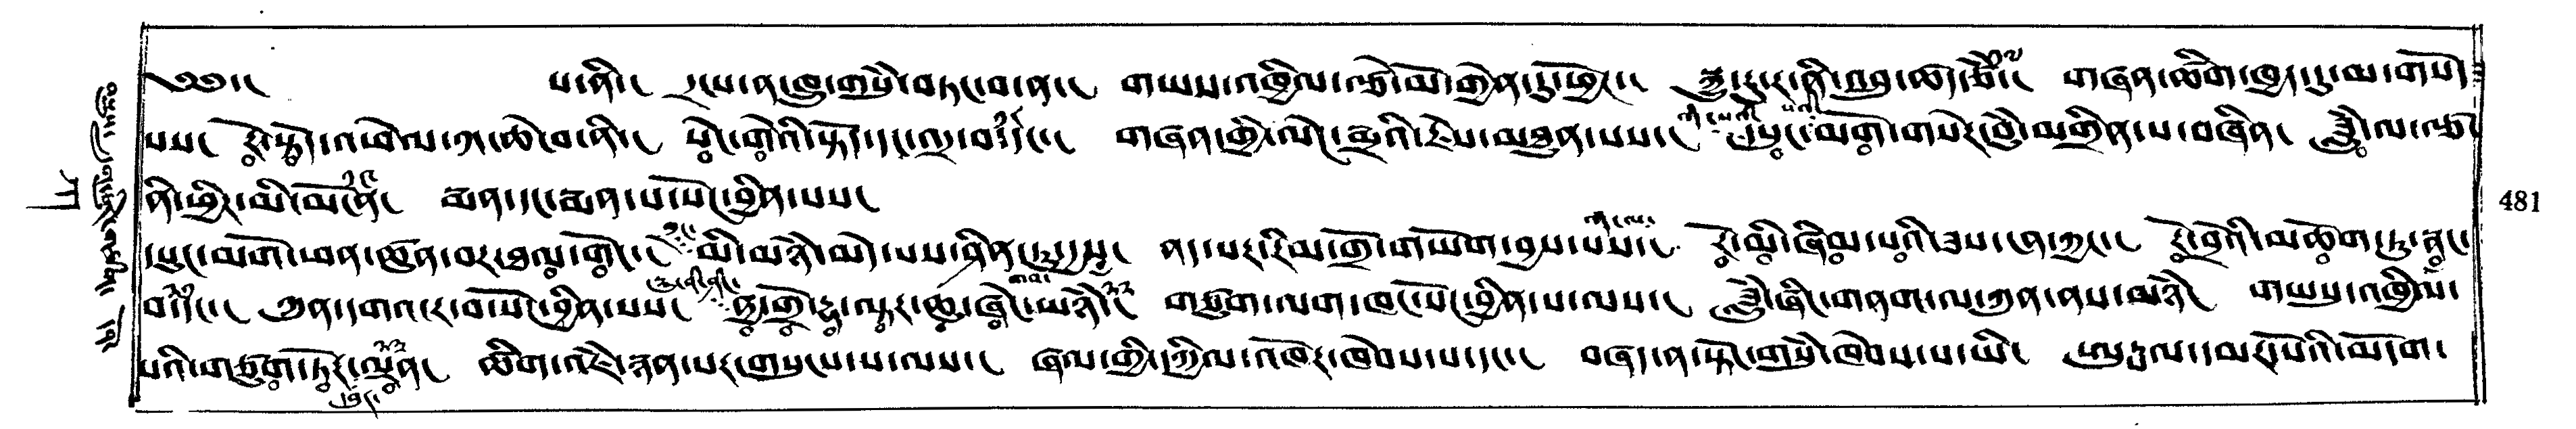པ་ནི། །དྲངས་ན་ཁྲུ་གསུམ་བཏང་བ་ན། །གཡས་འཁྱིལ་རྩེ་མོ་གྱེན་དུ་ཕྱོགས། །སྐྱུ་རུ་ར་ནི་འབྲུ་ཚད་ཙམ། །གཞན་ཚིག་ཁྱད་དུ་མ་གསོད་
པས། །རོ་སྟོད་འཕེལ་ཀ་ཆེ་བ་ནི། །སེང་གེའི་སྟོད་དང་འདྲ་བ་དང་། །གཞན་གྱི་ལེགས་སྨྲའི་རྗེས་མཐུན་པས།། འདི་པའི་དཔུང་པའི་མགོ་གསེར་བུམ་མགྲིན་པ་བཞིན། །ཟླུམ་ལ་རྩ་
ནི་ཕྱིར་མི་མངོན། །སྨན་དང་སྨན་པ་སོགས་བྱིན་པས། །
དཔུང་མགོ་ཕན་ཚུན་བར་ཐལ་གོང་།།བྲང་མི་མཉམ་མེད་པས་ཤིན་ཏུ་རྒྱས། །ནད་པར་རིམ་གྲོ་གཡོག་བྱས་པས།། འདི་ལ་རོ་མི་ཞིམ་པའི་ཟས་ངན་ཡང་། །རོ་བྲོའི་མཆོག་ཏུ་སྣང་
བ་དང་། །ཀུན་དགའ་ར་བ་སོགས་བྱིན་པས། སྐུ་ནི་ཤིང་ནྱ་གྲོ་དྷ་ལྟར་ཆུ་ཞེང་མཉམ། །གཙུག་ལག་ཁང་སོགས་བྱིན་པ་ལས། །ཟླུམ་ཞིང་གནག་ལ་ཀུན་ནས་མཉམ། །གཡས་སུ་འཁྱིལ་
པའི་གཙུག་ཏོར་དབུར་ལྡན། །ཚིག་འཇམ་སྙན་པར་གསུངས་པ་ལས། །ཞལ་གྱི་དཀྱིལ་འཁོར་ཁེབས་པ་དང་། །བཞད་ན་སྟོང་གསུམ་ཁེབས་པ་ཡི། །ཨུཏྤལ་དམར་པོའི་མདོག་